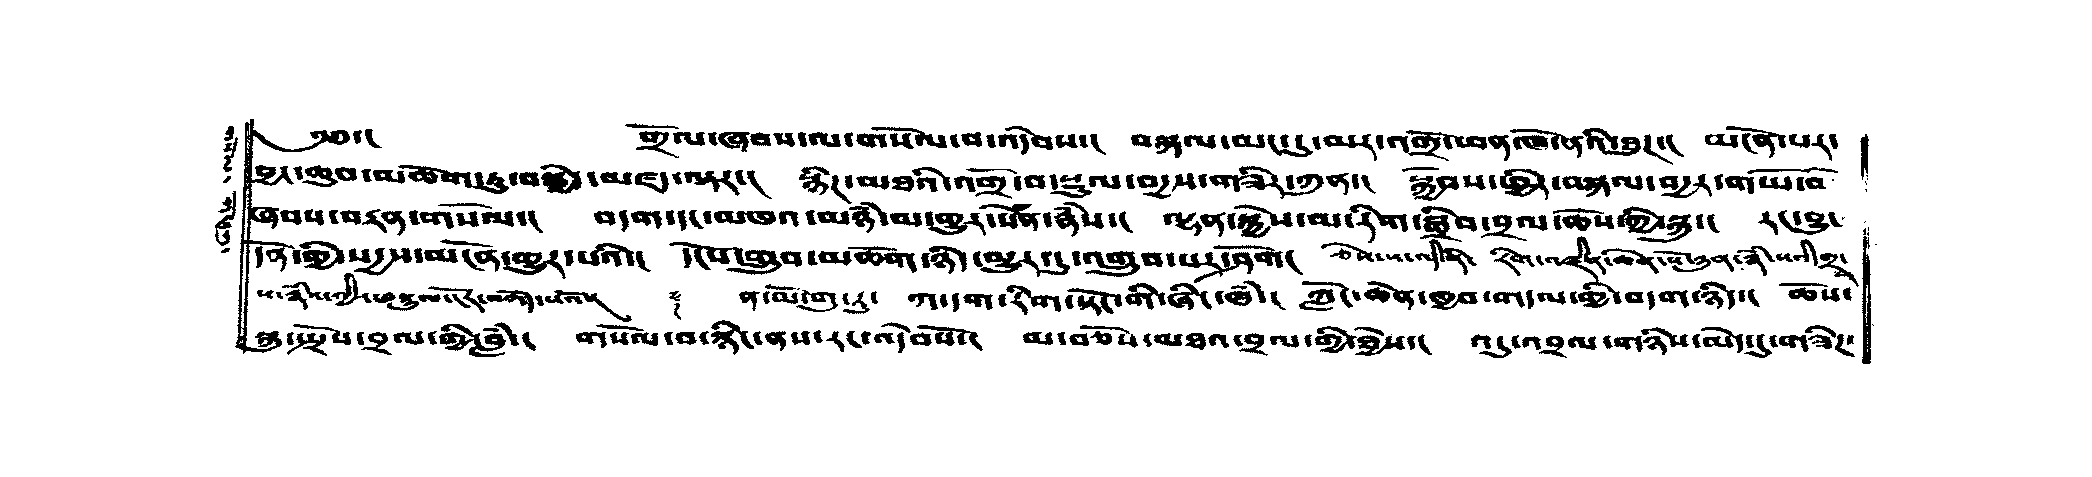གྲོལ་ཞབས་ལ་གསོལ་བ་འདེབས། །བསྐལ་མང་དུ་མར་འགྲོ་ཕན་ཁོ་ནའི་ཐུགས། །མངོན་པར་
བྱང་ཆུབ་མཆོག་ཏུ་བསྐྱེད་མཛད་ལྟར། །སྙིགས་མཐའི་འགྲོ་བ་སྡུག་བསྔལ་བརྒྱས་གཟིར་ཀུན། །སྐྱོབ་ཕྱིར་བསྐལ་བརྒྱར་གཡོ་མེད་
ཞབས་བརྟན་གསོལ། །བདག་དང་མཁའ་མཉམ་མ་གྱུར་སེམས་ཅན་རྣམས། །ལྷན་སྐྱེས་མ་རིག་སྒྲིབ་བྲལ་ཆོས་ཀྱི་སྐུ། །རང་བྱུང་
དོན་གྱི་སངས་རྒྱས་མངོན་གྱུར་པའི། །དངོས་གྲུབ་མཆོག་གཉིས་མྱུར་དུ་འགྲུབ་པར་ཤོག ཅེས་པ་འདི་ནི་རིག་འཛིན་ཆེན་པོ་ཀུན་རྣམ་པའི་གྲྭ་
པ་རྣམས་ཀྱིས་བསྐུལ་ངོར་བཀོད་པའོ།། ༈ ན་མོ་གུ་རུ། ཀ་དག་རིག་སྟོང་གི་ཞིང་ཁམས། །ཀློང་ཆེན་ཁྱབ་གདལ་གྱི་བདག་ཉིད། །ཆོས་
སྐུ་སྤྲོས་བྲལ་གྱི་བླ་མ། །གསོལ་བ་སྙིང་ནས་རང་འདེབས་སོ། །མ་བཅོས་མཐའ་བྲལ་གྱི་ཐུགས་རྗེ། །འདུ་འབྲལ་གཉིས་མེད་དུ་གཟིགས་